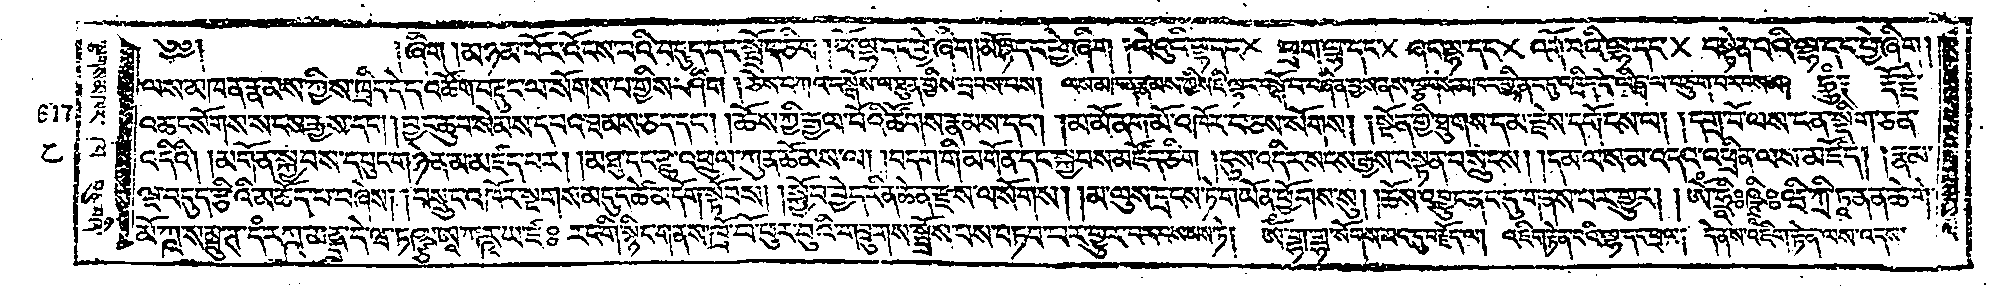༄༅། །ཞིག །མཉམ་པོར་འོངས་པའི་བདུད་དང་སྤྲོད་ཅིག །ཕོ་ལྷ་དང་ཕྱེ་ཞིག །མོ་ལྷ་དང་ཕྱེ་ཞིག །ལེའུའི་ལྷ་དང་྾་ཕྲག་ལྷ་དང་྾་ཞང་ལྷ་དང་྾་འགོ་བའི་ལྷ་དང་྾་བསྟེན་པའི་ལྷ་དང་ཕྱེ་ཞིག །
ལས་མཁན་རྣམས་ཀྱིས་ཁྲིད་དེད་འཚོག་བརྡུང་ལ་སོགས་པ་གྱིས་ཤིག་།ཅེས་བཀའ་བསྒོས་ལ་ཐུན་གྱིས་བྲབས་པས། ལས་མཁན་རྣམས་ཀྱིས་ཇི་ལྟར་བསྒོ་བ་བཞིན་བྱས་ནས་ལྕགས་མཁར་གྱི་ནང་དུ་འཁྲིད་དེ་ལིངྒ་ལ་བཅུག་པར་བསམ།  ཧཱུཾ༑ རྡོ་རྗེ་
འཆང་སོགས་སངས་རྒྱས་དང་། །བྱང་ཆུབ་སེམས་དཔའ་ཐམས་ཅད་དང་། །ཆོས་ཀྱི་རྒྱལ་པོའི་ཚོགས་རྣམས་དང་། །མ་མོ་ནག་མོ་འཁོར་བཅས་སོགས། །སྔོན་གྱི་ཐུགས་དམ་རྗེས་དགོངས་ལ། །དགྲ་བོ་ལས་ངན་སྡིག་ཅན་
འདིའི། །མགོན་སྐྱབས་དཔུང་གཉེན་མ་མཛད་པར། །མཐུ་དང་རྫུ་འཕྲུལ་ཀུན་ཆོམས་ལ། །བདག་གི་མགོན་དང་སྐྱབས་མཛོད་ཅིག །དུས་འདིར་སངས་རྒྱས་བསྟན་བསྲུངས། །དམ་ལས་མ་འདའ་འཕྲིན་ལས་མཛོད། །རྣམ་
ལྔ་བདུད་རྩིའི་མཆོད་པ་བཞེས། །བསྲུང་འཁོར་སྔགས་མདུད་ཚེ་མདོག་སྟོབས། །སྐྱོབ་བྱེད་རིན་ཆེན་རྫས་ལ་སོགས། །མ་ལུས་དྲངས་ཏེ་གཡོན་ཕྱོགས་སུ། །ཆོས་འབྱུང་ནང་དུ་གནས་པར་གྱུར། །ཨོཾ་ཧྲཱིཿཥྚཱིཿཝི་ཀྲི་ཏཱ་ན་ན་ཆེ་གེ་
མོ་ཀྵ་སམྦུ་ཊ་དཾ་རཥ་མནྡྲ་དེ་ཝ་ཏཥྩ་ཨཱ་ཀརྵ་ཡ་ཛཿ རང་གི་སྙིང་གནས་ཁྲོ་བོ་ཕུར་བུའི་གཟུགས་སྤྲོས་པས་བཏབ་པར་གྱུར་བར་བསམས་ཏེ།  ཨོཾ་གྷ་གྷ་སོགས་མང་དུ་བརྗོད་ལ། འཇིག་རྟེན་པའི་ལྷ་དང་ཕྲལ། དེ་ནས་འཇིག་རྟེན་ལས་འདས་